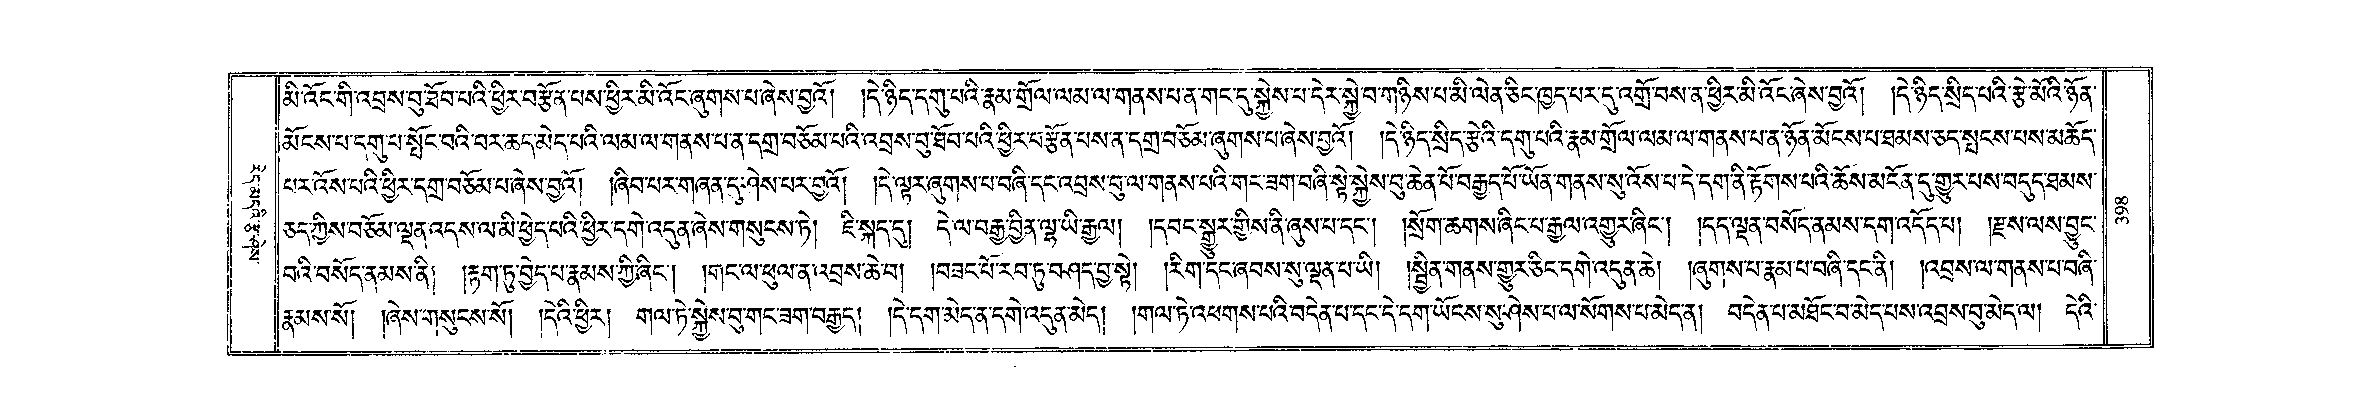མི་འོང་གི་འབྲས་བུ་ཐོབ་པའི་ཕྱིར་བརྩོན་པས་ཕྱིར་མི་འོང་ཞུགས་པ་ཞེས་བྱའོ། །དེ་ཉིད་དགུ་པའི་རྣམ་གྲོལ་ལམ་ལ་གནས་པ་ན་གང་དུ་སྐྱེས་པ་དེར་སྐྱེ་བ་གཉིས་པ་མི་ལེན་ཅིང་ཁྱད་པར་དུ་འགྲོ་བས་ན་ཕྱིར་མི་འོང་ཞེས་བྱའོ། །དེ་ཉིད་སྲིད་པའི་རྩེ་མོའི་ཉོན་
མོངས་པ་དགུ་པ་སྤོང་བའི་བར་ཆད་མེད་པའི་ལམ་ལ་གནས་པ་ན་དགྲ་བཅོམ་པའི་འབྲས་བུ་ཐོབ་པའི་ཕྱིར་བརྩོན་པས་ན་དགྲ་བཅོམ་ཞུགས་པ་ཞེས་བྱའོ། །དེ་ཉིད་སྲིད་རྩེའི་དགུ་པའི་རྣམ་གྲོལ་ལམ་ལ་གནས་པ་ན་ཉོན་མོངས་པ་ཐམས་ཅད་སྤངས་པས་མཆོད་
པར་འོས་པའི་ཕྱིར་དགྲ་བཅོམ་པ་ཞེས་བྱའོ། །ཞིབ་པར་གཞན་དུ་ཤེས་པར་བྱའོ། །དེ་ལྟར་ཞུགས་པ་བཞི་དང་འབྲས་བུ་ལ་གནས་པའི་གང་ཟག་བཞི་སྟེ་སྐྱེས་བུ་ཆེན་པོ་བརྒྱད་པོ་ཡོན་གནས་སུ་འོས་པ་དེ་དག་ནི་རྟོགས་པའི་ཆོས་མངོན་དུ་གྱུར་པས་བདུད་ཐམས་
ཅད་ཀྱིས་བཅོམ་ལྡན་འདས་ལ་མི་ཕྱེད་པའི་ཕྱིར་དགེ་འདུན་ཞེས་གསུངས་ཏེ། ཇི་སྐད་དུ། དེ་ལ་བརྒྱ་བྱིན་ལྷ་ཡི་རྒྱལ། །དབང་སྒྱུར་གྱིས་ནི་ཞུས་པ་དང་། །སྲོག་ཆགས་ཞིང་པ་རྒྱལ་འགྱུར་ཞིང་། །དད་ལྡན་བསོད་ནམས་དག་འདོད་པ། །རྫས་ལས་བྱུང་
བའི་བསོད་ནམས་ནི། །རྟག་ཏུ་བྱེད་པ་རྣམས་ཀྱི་ཞིང་། །གང་ལ་ཕུལ་ན་འབྲས་ཆེ་བ། །བཟང་པོ་རབ་ཏུ་བཤད་བྱ་སྟེ། །རིག་དང་ཞབས་སུ་ལྡན་པ་ཡི། །སྦྱིན་གནས་གྱུར་ཅིང་དགེ་འདུན་ཆེ། །ཞུགས་པ་རྣམ་པ་བཞི་དང་ནི། །འབྲས་ལ་གནས་པ་བཞི་
རྣམས་སོ། །ཞེས་གསུངས་སོ། །དེའི་ཕྱིར། གལ་ཏེ་སྐྱེས་བུ་གང་ཟག་བརྒྱད། །དེ་དག་མེད་ན་དགེ་འདུན་མེད། །གལ་ཏེ་འཕགས་པའི་བདེན་པ་དང་དེ་དག་ཡོངས་སུ་ཤེས་པ་ལ་སོགས་པ་མེད་ན། བདེན་པ་མཐོང་བ་མེད་པས་འབྲས་བུ་མེད་ལ། དེའི་